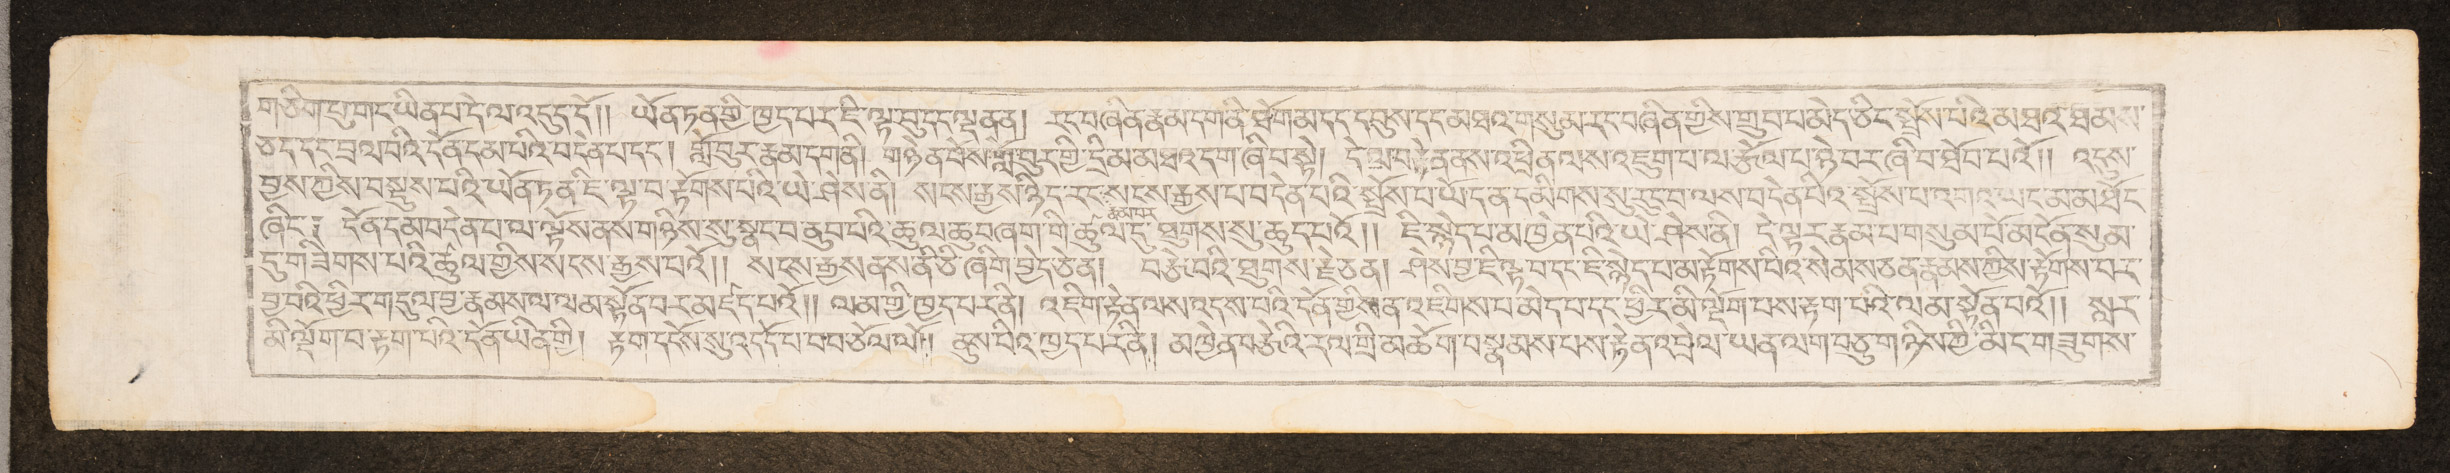གཅིག་བུ་གན་གྱིན་པ་དེ་ལ་འདུད་དོ།། ཡོན་ཏན་གྱི་ཁྱད་པར་ཇི་ལྟ་བུ་དང་ལྡན་ན། རང་བཞིན་རྣམ་དག་ནི་ཐོག་མ་དང་དཔུས་དང་མཐའ་གསུམ་རང་བཞིན་གྱིས་གྲུབ་པ་མེད་ཅིང་སྤྲོས་པའི་མཐའ་ཐམས་
ཅད་དང་བྲལ་བའི་དོན་དམ་པའི་བདེན་པ་དང་། གློ་བུར་རྣམ་དག་ནི། གཉེན་པོས་གློ་བུར་གྱི་དྲི་མ་མཐའ་དག་ཞི་བ་སྟེ། དེ་ལ་བརྟེན་ནས་འཕྲིན་ལས་འཇུག་པ་ལ་རྩོལ་པ་ཉེ་བར་ཞི་བ་ཐོབ་བའོ།། འདུས་
བྱས་ཀྱིས་བསྡུས་པའི་ཡོན་ཏན་ཇི་ལྟ་བ་རྟོགས་པའི་ཡེ་ཤེས་ནི། སངས་རྒྱས་ཉིད་རང་རྣམ་པར་སངས་རྒྱས་པ་བདེན་པའི་སྤྲོས་པ་ཡོད་ན་དམིགས་སུ་རུང་བ་ལས་བདེན་པའི་སྤྲོས་པ་འགའ་ཡང་མ་མཐོང་
ཞིང༑ དོན་དམ་བདེན་པ་ལ་ལྟོས་ནས་གཉིས་སུ་སྣང་བ་ནུབ་པའི་ཆུ་ལ་ཆུ་བཞག་གི་ཚུལ་དུ་ཐུགས་སུ་ཆུད་པའོ།། ཇི་སྙེད་པ་མཁྱེན་པའི་ཡེ་ཤེས་ནི། དེ་ལྟར་རྣམ་པ་གསུམ་པོ་མངོན་སུམ་
དུ་གཟིགས་པའི་ཚུལ་གྱིས་སངས་རྒྱས་པའོ།། སངས་རྒྱས་ནས་ནི་ཅི་ཞིག་བྱེད་ཅེ་ན། བརྩེ་བའི་ཐུགས་རྗེ་ཅན། ཤེས་བྱ་ཇི་ལྟ་བ་དང་ཇི་སྙེད་པ་མ་རྟོགས་པའི་སེམས་ཅན་རྣམས་ཀྱིས་རྟོགས་པར་
བྱ་བའི་ཕྱིར་གདུལ་བྱ་རྣམས་ལ་ལམ་སྟོན་པར་མཛད་པའོ།། ལམ་གྱི་ཁྱད་པར་ནི། འཇིག་རྟེན་ལས་འདས་པའི་དོན་གྱིས་ན་འཇིགས་པ་མེད་པ་དང་ཕྱིར་མི་ལྡོག་པས་རྟག་པའི་ལམ་སྟོན་པའོ། །སླར་
མི་ལྡོག་པ་རྟག་པའི་དོན་ཡིན་གྱི། རྟག་དངོས་སུ་འདོད་པ་བ་བཅོལ་ལོ།། ནུས་པའི་ཁྱད་པར་ནི། མཁྱེན་བརྩེའི་རལ་གྲི་མཆོག་བསྣམས་པས་རྟེན་འབྲེལ་ཡན་ལག་བཅུ་གཉིས་ཀྱི་མིང་གཟུགས་